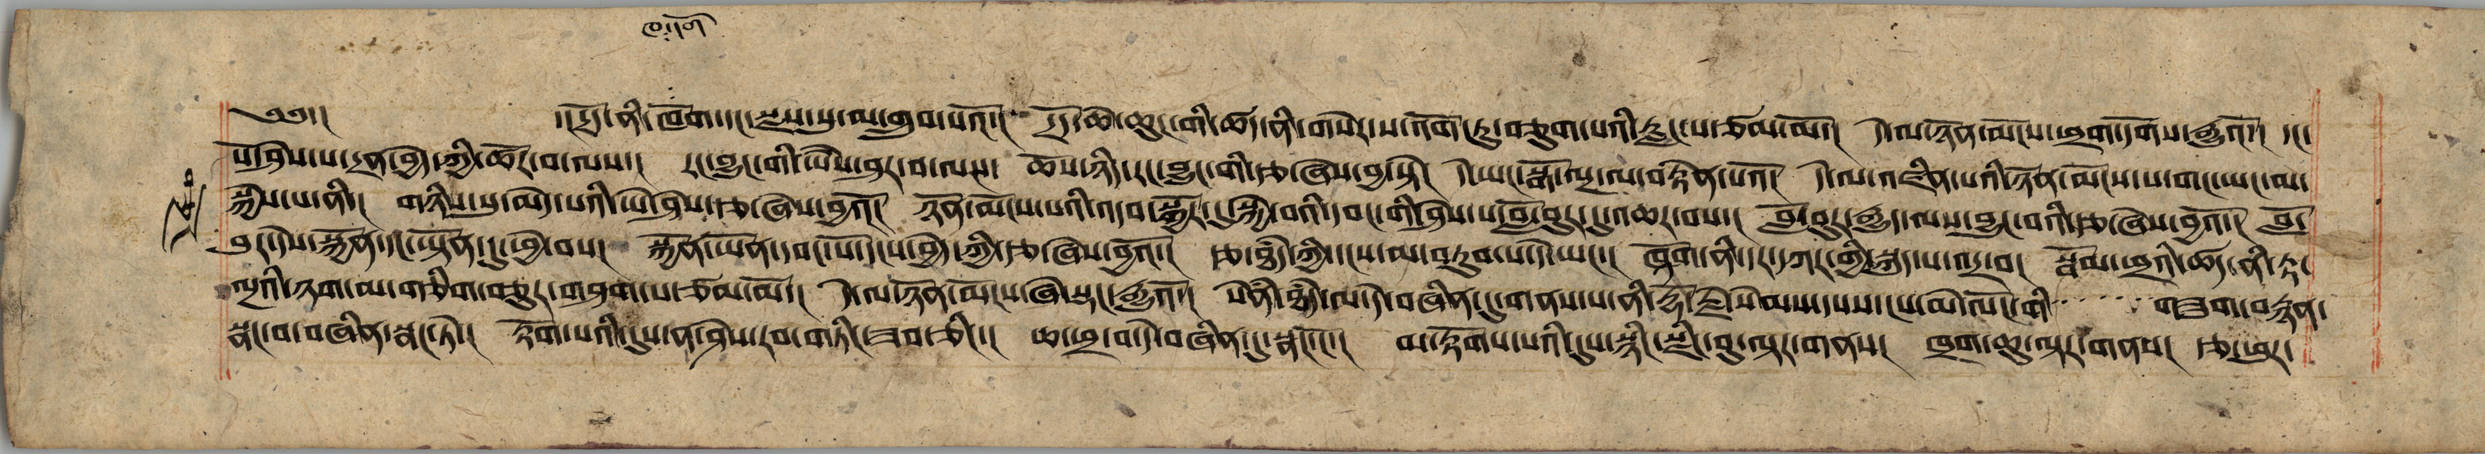༄༅་། ་།དྲོད་ནི་ཁོག་དང་སྫས་སུ་མ་གྲུབ་པའོ་། དྲོད་ཆེ་ཆུང་གི་ཚད་ནི་གསེར་ས་འོག་ཏུ་བཅུག་པའི་རླང་པ་ཙམ་མོ་། དེ་ལ་ཉོན་མོངས་ཕྲག་དོགས་རྒྱུའོ་། དང་
པོ་ཤེས་པ་དྲན་བྱེད་ཀྱི་ཚོར་བ་ལས་། རང་བྱུང་གི་ཡཻས་ཤར་བ་ལས། ཆོས་ཉིད་རང་བྱུང་གི་རྩ་ཞེས་བྱ་སྟེ། དེ་ཡང་སྒོ་ལྔ་ལ་བརྟེན་པའོ། དེ་ལ་འཛིན་པའི་ཉོན་མོངས་པ་གང་ཡང་མ་
སྐྱེས་པ་ནི་། གཉིས་སུ་མེད་པའི་ཡེ་ཤེས་རྩ་ཞེས་བྱའོ་། ཉོན་མོངས་པའི་འདབ་སྐྱོར་དུ་སྐྱེ་བའི་དབང་གི་ཤེས་པ་བློ་བུར་དུ་འཆར་བས་། བློ་བུར་རྒྱུད་ལས་བྱུང་པའི་རྩ་ཞེས་བྱའོ་། བློ་
བུར་དེས་སྐྱོན་དང་ཡྟོན་དུ་ཕྱེ་བས། སྐྱོན་ཡོན་དབང་པོ་དངོས་བྱེད་ཀྱི་རྩ་ཞེས་བྱའོ་། རྩ་ཐཾད་ཀྱི་དངས་མ་བཏུབ་པ་དེ་ཡང་། ཁོག་ནི་དར་དཀར་གྱི་སྐུད་པ་འདྲ་བ་། སྦོམ་ཕྲའི་ཚད་ནི་རྟ་
ལྔའི་ཉག་མ་གཅིག་བཅུར་གཤག་པ་ཙམ་མོ་། དེ་ལ་ཉོན་མོངས་ཞེ་སྡང་རྒྱུའོ་། སེཾན་ཐཾད་ལ་དེ་བཞིན་དུ་གནས་པ་ནི་རྡོ་རྗེ་སེམས་དཔས་ངས་མེ་ལོང་གི་ གཟུགས་བརྙན་
སྣང་བ་བཞིན་སྣང་ཏེ་། རྟོག་པའི་དུས་ན་ཤེས་རབ་གཏིང་ཟབ་ཅིང་། ཆ་ཕྲ་བ་དེ་བཞིན་དུ་སྣང་ངོ་། མ་རྟོགས་པའི་དུས་སྙིང་སྫིང་བུ་ལྟར་གནས། ཁྲག་ཆུ་ལྟར་གནས། རྩ་ཕུར་